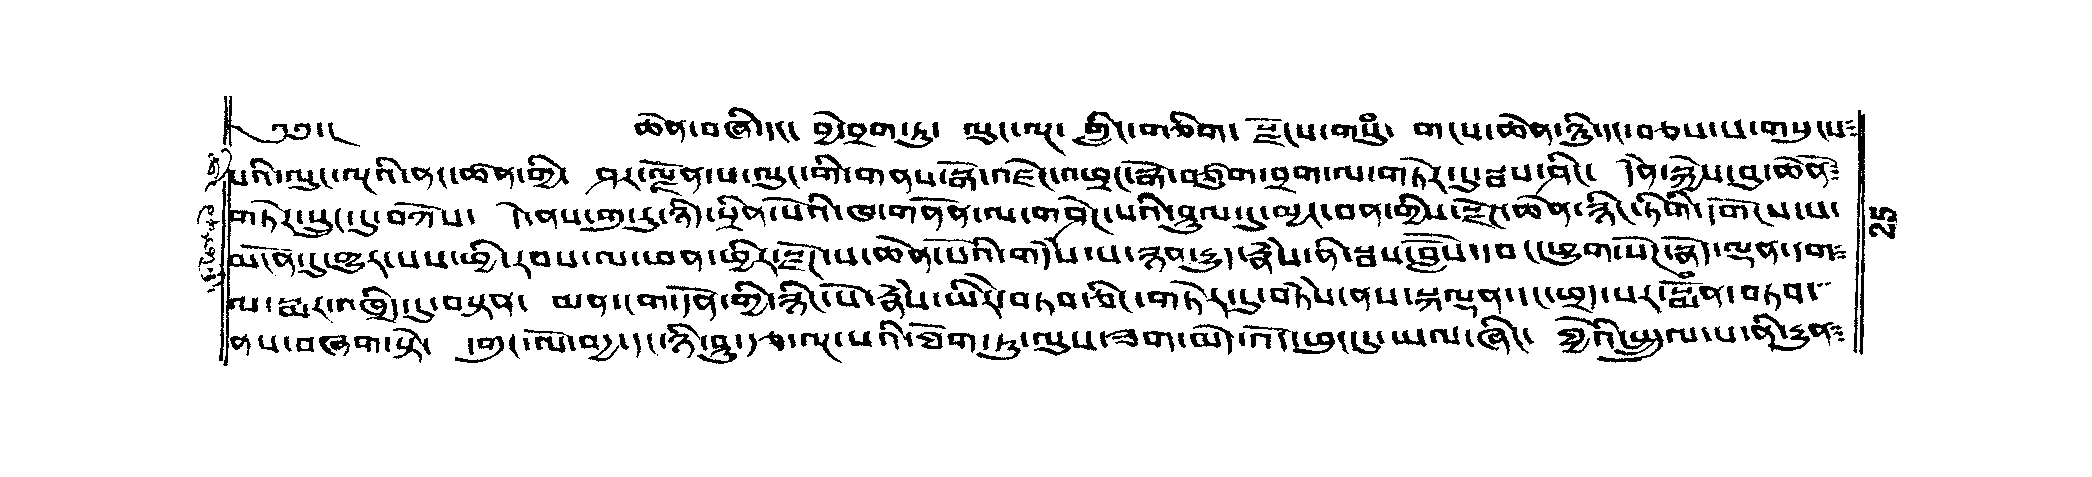ཆེན་བཞི་དང་། བྱེ་བྲག་ཏུ། ལུང་ལྔ། གླིང་གཅིག རྫོངས་གསུམ། གངས་ཆེན་ཉི་ཤུ་དང་བཅས་པ་གསུངས་
པའི་ལུང་ལྔའི་ནང་ཚན་གྱི། ཤར་ལྗོན་པ་ལུག་གི་གནས་སྒོ་འཛེང་འཕྲན་སྒོ་བཙུག་བྲག་ལ་གཏེར་དུ་སྦས་ཤིང་། དམ་ཅན་སྐྱེས་བུ་ཆེན་པོ་
གཏེར་སྲུང་དུ་བཀོས། དེ་ནས་གུ་རུ་ཉིད་སྲིན་པོའི་ཁ་གནོན་ལ་གཤེགས་པའི་ཤུལ་དུ་མྱང་བན་གྱིས་རྫོགས་ཆེན་སྙིང་ཏིག་གི་དགོངས་པ་
མངོན་དུ་གྱུར་པས་ཕྱི་རོལ་ལ་ཕན་ཕྱིར་རྫོགས་པ་ཆེན་པོའི་གདམས་པ་སྙན་རྒྱུད་རྣམས་ནི་སྦས་བློ་གྲོས་དབང་ཕྱུག་སོགས་སྣོད་ལྡན་དག་
ལ་སྨྲ་འཁྲིད་དུ་བསྟན་མན་ངག་དོན་གྱི་སྙིང་པོ་རྣམས་ཡི་གེར་བཏབ་ཅིང་གཏེར་དུ་བཏམས་ནས་སྐལ་ལྡན་དང་ཕྲད་པར་སྨོན་ལམ་བཏབ་
ནས་བཞག་སྟེ། དགུང་ལོ་བརྒྱ་དང་ཉི་ཤུ་རྩ་ལྔ་པའི་ཐོག་ཏུ་ལུས་ཟག་མེད་འོད་ཕུང་དུ་ཡལ་ཞིང་། ཐུགས་རྗེའི་སྤྲུལ་པ་ནི་རྒྱུན་